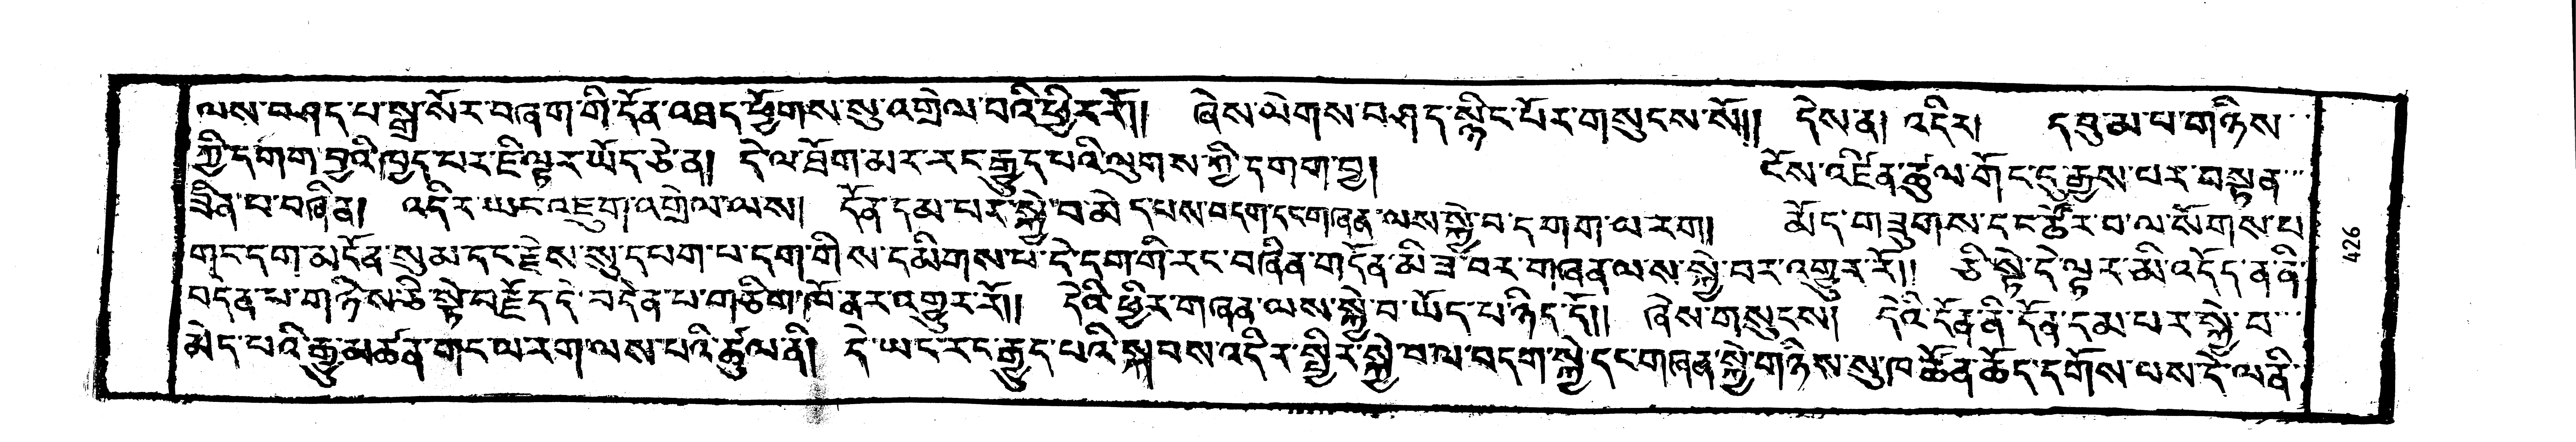ལས་བཤད་པ་སྒྲ་སོར་བཞག་གི་དོན་འཐད་ཕྱོགས་སུ་འགྲེལ་བའི་ཕྱིར་རོ། །ཞེས་ལེགས་བཤད་སྙིང་པོར་གསུངས་སོ། །དེས་ན་འདིར། དབུ་མ་པ་གཉིས་
ཀྱི་དགག་བྱའི་ཁྱད་པར་ཇི་ལྟར་ཡོད་ཅེ་ན། དེ་ལ་ཐོག་མར་རང་རྒྱུད་པའི་ལུགས་ཀྱི་དགག་བྱ། ངོས་འཛིན་ཚུལ་གོང་དུ་རྒྱས་པར་བསྟན་
ཟིན་པ་བཞིན། འདིར་ཡང་འཇུག་འགྲེལ་ལས། དོན་དམ་པར་སྐྱེ་བ་མེད་པས་བདག་དང་གཞན་ལས་སྐྱེ་བ་དགག་ལ་རག །མོད་གཟུགས་དང་ཚོར་བ་ལ་སོགས་པ་
གང་དག་མངོན་སུམ་དང་རྗེས་སུ་དཔག་པ་དག་གིས་དམིགས་པ་དེ་དག་གི་རང་བཞིན་གདོན་མི་ཟ་བར་གཞན་ལས་སྐྱེ་བར་འགྱུར་རོ། །ཅི་སྟེ་དེ་ལྟར་མི་འདོད་ན་ནི་
བདེན་པ་གཉིས་ཅི་སྟེ་བརྗོད་དེ་བདེན་པ་གཅིག་ཁོ་ནར་འགྱུར་རོ། །དེའི་ཕྱིར་གཞན་ལས་སྐྱེ་བ་ཡོད་པ་ཉིད་དོ། །ཞེས་གསུངས། དེའི་དོན་ནི་དོན་དམ་པར་སྐྱེ་བ་
མེད་པའི་རྒྱུ་མཚན་གང་ལ་རག་ལས་པའི་ཚུལ་ནི། དེ་ཡང་རང་རྒྱུད་པའི་སྐབས་འདིར་སྤྱིར་སྐྱེ་བ་ལ་བདག་སྐྱེ་དང་གཞན་སྐྱེ་གཉིས་སུ་ཁ་ཚོན་ཆོད་དགོས་པས་དེ་ལ་ནི་